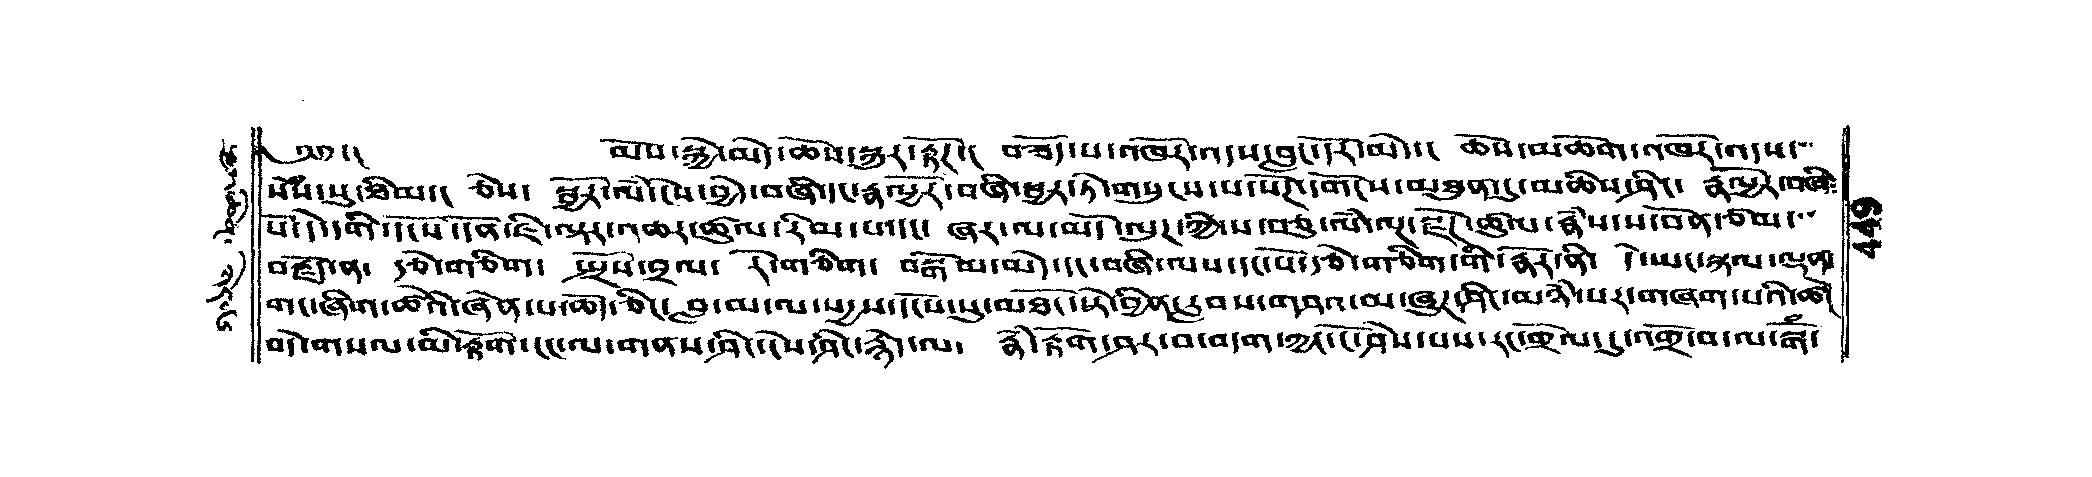མོས་སྐྱེ་མེད་ཆོས་སྐུར་རྟོགས། །བཟོད་པ་འཁོར་འདས་བླང་དོར་མེད། ཆོས་མཆོག་འཁོར་འདས་
སེམས་སུ་ཐིམ།ཞེས་སྦྱོར་ལམ་ངེས་བྱེད་བཞི་དང་རྣལ་འབྱོར་བཞི་སྦྱར་ཏེ་གསུངས་པ་སོགས་དགོངས་མཐུན་དུ་མཆིས་ཤིང་། རྣལ་འབྱོར་བཞི་
པོ་དེ་དག་གི་དངོས་དོན་ཇི་ལྟར་འཆར་ཚུལ་རིམ་པ་དང་། ཞར་ལ་མདོ་ལུགས་ཀྱི་ས་བཅུ་ལམ་ལྔ་རྫོགས་ཚུལ་རྣམས་ས་བོན་ཙམ་
བརྗོད་ན། རྩེ་གཅིག སྤྲོས་བྲལ། རོ་གཅིག བསྒོམ་མེད་དང་བཞི་ལས་དང་པོ་རྩེ་གཅིག་གི་རྣལ་འབྱོར་ནི། དེ་ཡང་སྐལ་ལྡན་
གང་ཞིག་ཚེའི་ཞེན་པ་ཆོད་ཅིང་། བླ་མ་ལ་སངས་རྒྱས་དངོས་སུ་མཐོང་སྟེ་བྱིན་རླབས་གཤའ་མ་ཞུགས་ཤིང་མཉམ་པར་གཞག་པའི་ཚེ། 
བདེ་གསལ་མི་རྟོག་པའི་ངང་ལ་གནས་ཤིང་ངེས་ཤེས་རྙེད་ལ། རྣམ་རྟོག་ཤར་བ་བདག་ཀྱང་ངོ་ཤེས་པས་རང་གྲོལ་དུ་འགྲོ་བ་ལ་སྒོམ་